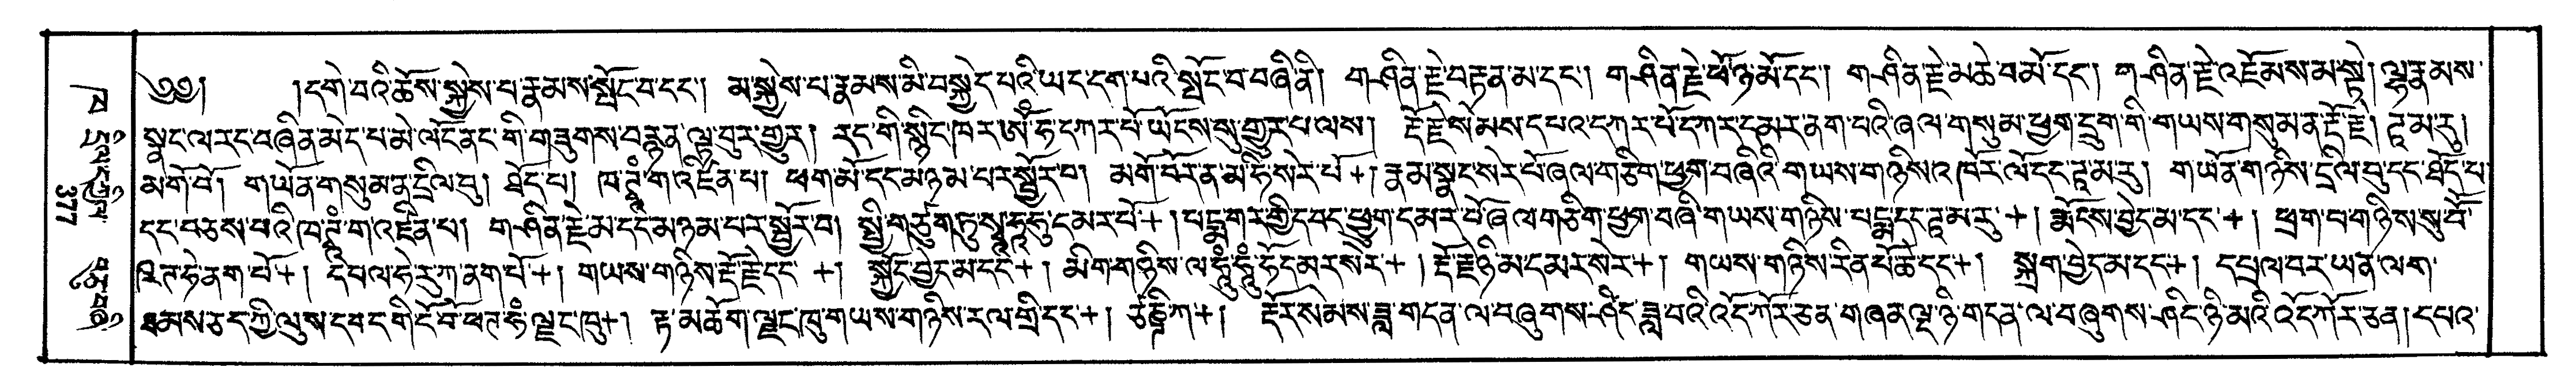༄༅། །དགེ་བའི་ཆོས་སྐྱེས་པ་རྣམས་སྤོང་བ་དང་། མ་སྐྱེས་པ་རྣམས་མི་བསྐྱེད་པའི་ཡང་དག་པའི་སྤོང་བ་བཞི་ནི། གཤིན་རྗེ་བརྟན་མ་དང་། གཤིན་རྗེ་ཕོ་ཉ་མོ་དང་། གཤིནར་ཇེ་མཆེ་བ་མོ་དང་། གཤིན་རྗེ་འཇོམས་མ་སྟེ། ལྷ་རྣམས་
སྣང་ལ་བཞིན་མེདཔ་མེ་ལོད་ནང་གིགཟུགས་བརྙན་ལྟ་བུར་གྱུར། རང་གི་སྙིང་ཁར་ཨོཾ་ཧ་དཀར་པོ་ཡོངས་སུ་གྱུར་པ་ལས། རྡོ་རྗེ་སེམས་དཔའ་དཀར་པོ་དཀར་དམར་ནག་པའི་ཞལ་གསུམ་ཕྱག་དྲུག་གི་གཡས་གསུམ་ན་རྡོ་རྗེ། ཌཱ་མ་རུ།
མགོ་བོ། གཡོན་གསུམ་ན་དྲིལ་བུ། ཐོད་པ། ཁ་ཊྭཱཾ་ག་འཛིན་པ། ཕག་མོ་དང་མཉམ་པར་སྦྱོར་བ། མགོ་བོར་ན་མ་ཧི་སེར་པོ་+། རྣམ་སྣང་སེར་པོ་ཞལ་གཅིག་ཕྱག་བཞིའི་གཡས་གཉིས་འཁོར་ལོ་དང་ཌཱ་མ་རུ། གཡོན་གཉིས་དྲིལ་བུ་དང་ཐོད་པ་
དང་བཅས་པའི་ཁ་ཊྭཱཾ་ག་འཛིན་པ། གཤིན་རྗེ་མ་དང་མཉམ་པར་སྦྱོར་བ། སྦྱི་གཙུག་ཏུ་སྭཱ་ཧཱ་ཧུ་དམར་པོ་+། པདམ་གར་གྱི་དབང་ཕྱུག་དམར་པོ་ཞལ་གཅིག་ཕྱག་བཞི་གཡས་གཉིས་པདམ་དང་ཌཱ་མ་རུ་+། རྨོངས་བྱེད་མ་དང་+། ཕྲག་པ་གཉིས་སུ་བཽ་
ཥྚ་ཧེ་ནག་པོ་+། དཔལ་ཧེ་རུ་ཀ་ནག་པོ་+། གཡས་གཉིས་རྡོ་རྗེ་དང་+། སྐྱོད་བྱེད་མ་དང་+། མིག་གཉིས་ལ་ཧཱུཾ་ཧཱུཾ་དམར་སེར་+། རྡོ་རྗེ་ཉི་མ་དམར་སེར་+། གཡས་གཉིས་རིན་པོ་ཆེ་དང་+། སྐྲག་བྱེད་མ་དང་+། དཔྲལ་བར་ཡན་ལག་
ཐམས་ཅད་ཀྱི་ལུས་དབང་གི་ངོ་བོ་ཕཊ་ཧཾ་ལྗང་ཁུ། རྟ་མཆོག་ལྗང་ཁུ་གཡས་གཉིས་རལ་གྲི་དང་+། ཙཎྜི་ཀ་+། རྡོར་སེམས་ཟླ་གདན་ལ་བཞུགས་ཤིང་ཟླ་བའི་འོད་ཀོར་ཅན་གཞན་ལྔ་ཉི་གདན་ལ་བཞུགས་ཤིང་ཉི་མའི་འོད་ཀོར་ཅན། དཔའ་